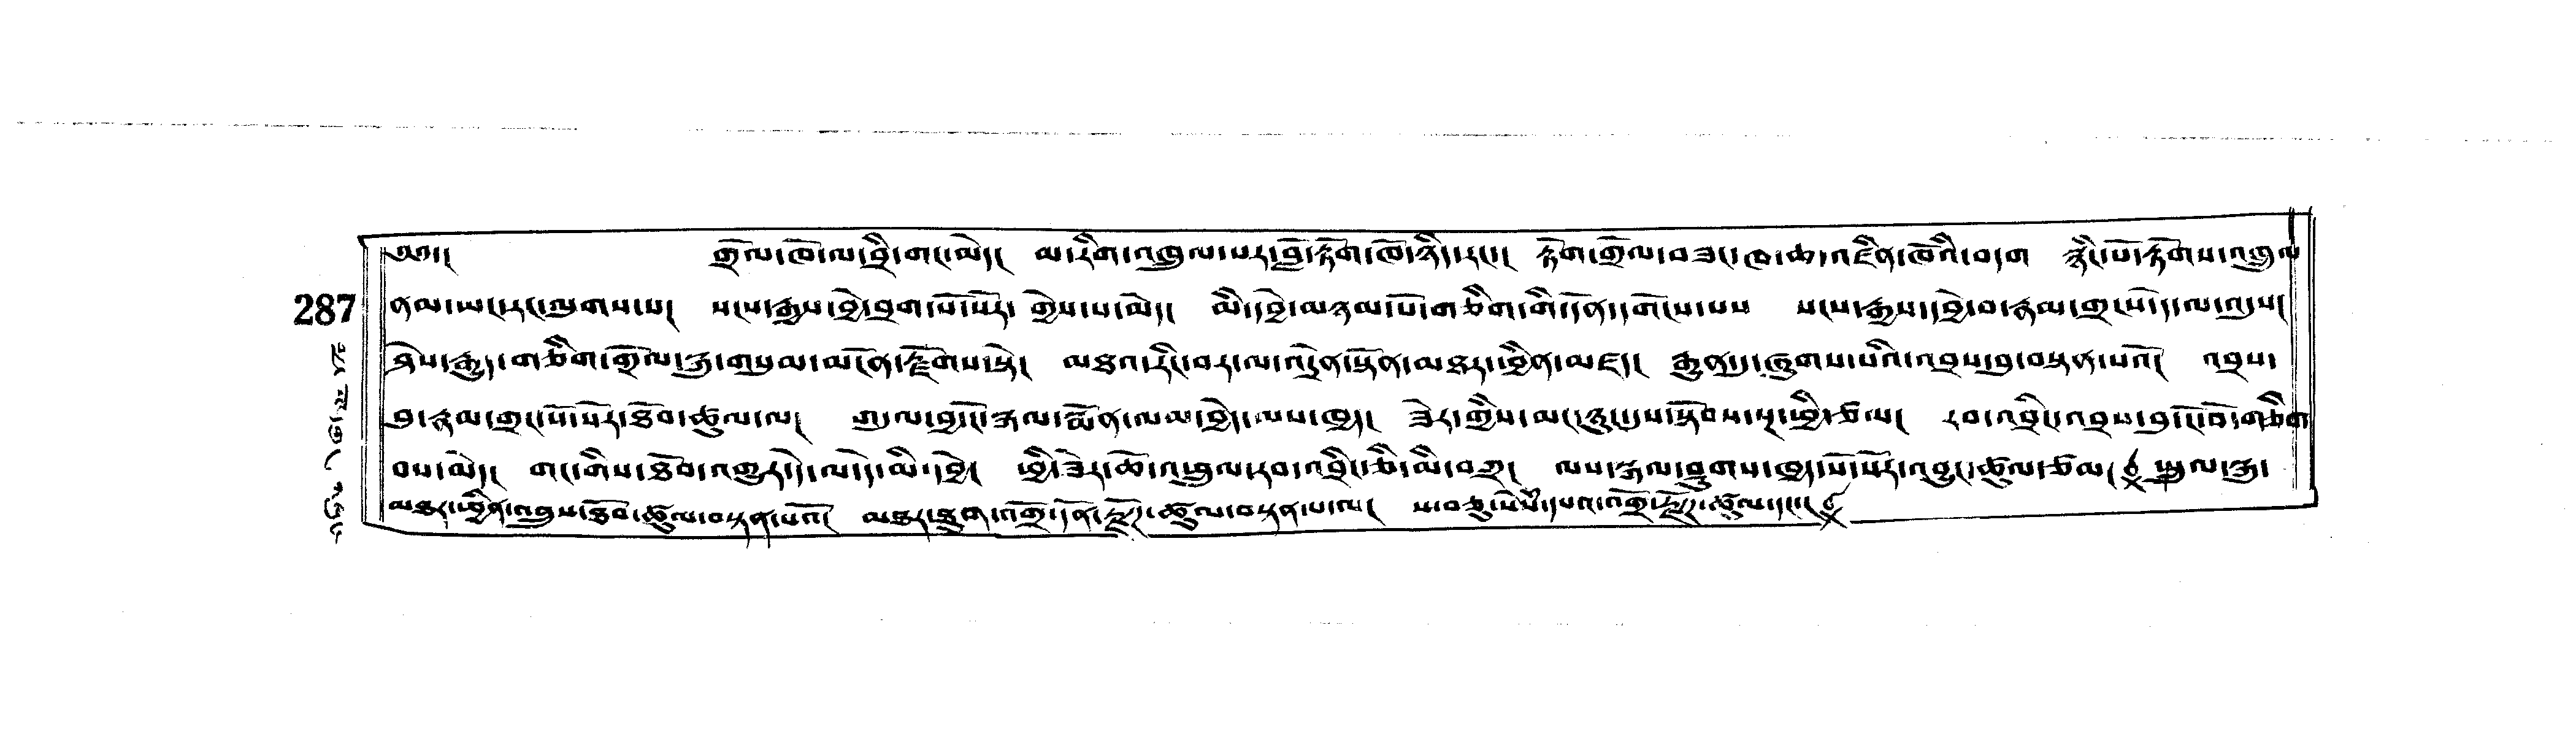གྲོལ་ཁོ་ལ་བྲི་གང་མེད། མ་རིག་འཁྲུལ་པར་བློ་རྟོག་ཁོ་ཉིད་རང་། རྟོགས་གྲོལ་བཟང་ཁ་ཆ་འཛིན་ཁོ་ཡི་བདག སྙིང་པོ་རྟོགས་འཁྲུལ་
ནམ་ཡང་རང་ལུགས་པ། སངས་རྒྱས་བྱེ་བྲག་སོ་སོར་གྱེས་པ་མེད། མི་དབྱེ་མཉམ་པོ་གཅིག་གི་དོན་དགོངས་པས། སངས་རྒྱས་དབྱེ་བ་རྣམ་གྲངས་དེ་ལ་འདུས། 
ཤེས་རྒྱུད་གཅིག་གྲོལ་སྐུ་གསུམ་མངོན་རྫོགས་ཏེ། མཐའ་རིང་བར་ལ་འདྲེན་སྟོན་མཐར་ཕྱིན་མཛད། རྒྱུན་དུ་ཞུགས་པའི་འབྲས་བུ་བསྟན་པའོ། འབྲས་
བུ་རྣམ་གྲངས་སོ་སོར་ཐོབ་ཚུལ་ལ། གདུལ་བྱ་ངོ་སྐལ་སྨོན་ལམ་བྱེད་ལས་ཁྱད། ཟེར་གྱིས་མང་ཉུང་དུས་སྟོབས་སྔ་ཕྱི་ཙམ། རབ་འབྲིང་འབྲས་བུ་ངོ་བོ་གཅིག་
བས་མེད། གང་གིས་ཐོབ་འགྱུར་དེ་ལ་དེ་མི་དབྱེ། ཕྱི་ཟེར་ཆོ་འཕྲུལ་རབ་འབྲིང་ཅི་མི་བཀྲ། ལས་སྐལ་ཤུགས་ཁྱད་སོ་སོར་འབྱུང་ཚུལ་ཙམ། 
མཐར་ཕྱིན་འབྲས་བུ་ཐོབ་ཚུལ་བསྟན་པའོ། མཐར་ཐུག་འགྲོ་དོན་རྫོགས་ཚུལ་བསྟན་པ་ལ། ས་བཅུ་སེམས་དཔའ་འགྲོ་དོན་རྫོགས་ཚུལ་དང་། སྤྲུལ་སྐུ་